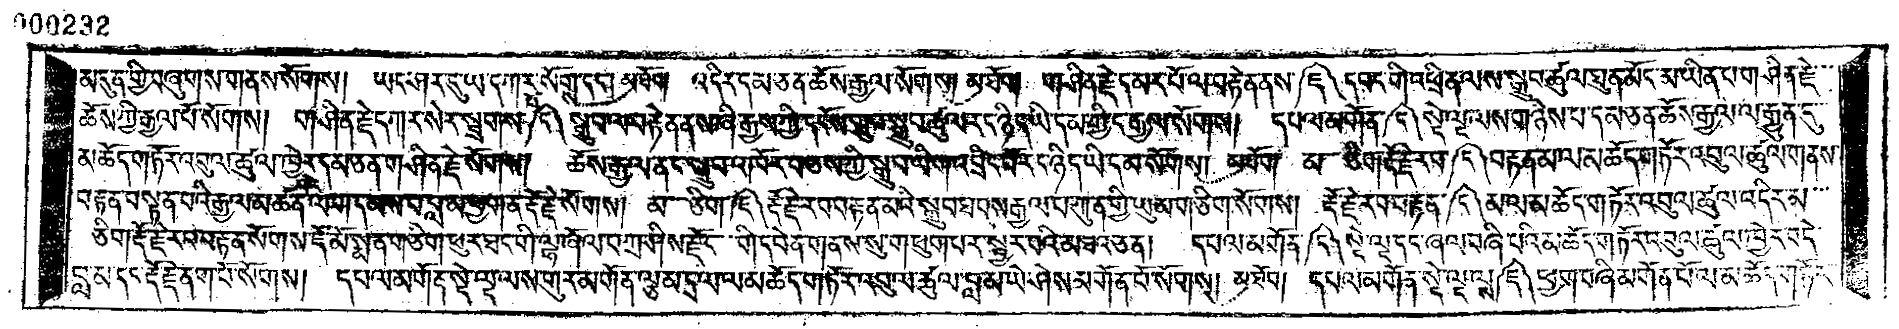མདུན་གྱི་བཞུགས་གནས་སོགས། ཡང་ཤར་དུ་ཡ་དཀར་སོགས་མ་ཐོབ།  འདིར་དམ་ཅན་ཆོས་རྒྱལ་སོགས་མ་ཐོབ།  གཤིན་རྗེ་དམར་པོ་ལ་བརྟེན་ནས ༼ཇ༽ དབང་གི་འཕྲིན་ལས་སྒྲུབ་ཚུལ་ཐུན་མོང་མ་ཡིན་པ་གཤིན་རྗེ་
ཆོས་ཀྱི་རྒྱལ་པོ་སོགས། གཤིན་རྗེ་དཀར་སེར་སྦྲགས ༼ད༽ སྒྲུབ་ལ་བརྟེན་ནས་ཞི་རྒྱས་ཀྱི་དངོས་གྲུབ་ཚུལ་རང་ཉིད་ཡི་དམ་གྱི་ང་རྒྱལ་སོགས་།དཔལ་མགོན ༼ད༽ སྡེ་ལྔ་ལས་གཉིས་པ་དམ་ཅན་ཆོས་རྒྱལ་ལ་རྒྱུན་དུ་
མཆོད་གཏོར་འབུལ་ཚུལ་ཁྱེར་བདེ་དམ་ཅན་གཤིན་རྗེ་སོགས། ཆོས་རྒྱལ་ནང་སྒྲུབ་འཁོར་བཅས་ཀྱི་སྒྲུབ་ཡིག་འབྲིང་པོ་རང་ཉིད་ཡི་དམ་སོགས་མ་ཐོབ།  མ་ཅིག་རྡོ་རྗེ་རབ ༼ད༽ བརྟན་མ་ལ་མཆོད་གཏོར་འབུལ་ཚུལ་གནས་
བརྟན་བསྟན་པའི་རྒྱལ་མཚན་ལ་གདམས་པ་བླ་མ་ཕྱག་ན་རྡོ་རྗེ་སོགས། མ་ཅིག ༼ཇ༽ རྡོ་རྗེ་རབ་བརྟན་མའི་སྒྲུབ་ཐབས་རྒྱལ་པ་ཀུན་གྱི་ཡུམ་གཅིག་སོགས། རྡོ་རྗེ་རབ་བརྟན ༼ད༽ མ་ལ་མཆོད་གཏོར་འབུལ་ཚུལ་འདིར་མ་
ཅིག་རྡོ་རྗེ་རབ་བརྟན་སོགས་ཇོ་མོ་སྨན་གཅིག་ཕུར་ཐང་གི་ལྷ་ཞོལ་བཀྲ་ཤིས་རྫོང་གི་དབེན་གནས་སུ་ག་ཕུག་པར་སྦྱར་བའི་མཐའ་ཅན། དཔལ་མགོན ༼ད༽ སྡེ་ལྔ་དང་ཞལ་བཞི་པའི་མཆོད་གཏོར་འབུལ་ཚུལ་ཁྱེར་བདེ་
བླ་མ་དང་རྡོ་རྗེ་ནག་པོ་སོགས། དཔལ་མགོན་སྡེ་ལྔ་ལས་གུར་མགོན་ལྕམ་དྲལ་ལ་མཆོད་གཏོར་འབུལ་ཚུལ་བླ་མ་ཡེ་ཤེས་མགོན་པོ་སོགས་མ་ཐོབ།  དཔལ་མགོན་སྡེ་ལྔ་ལས ༼ཇ༽ ཕྱག་བཞི་མགོན་པོ་ལ་མཆོད་གཏོར་